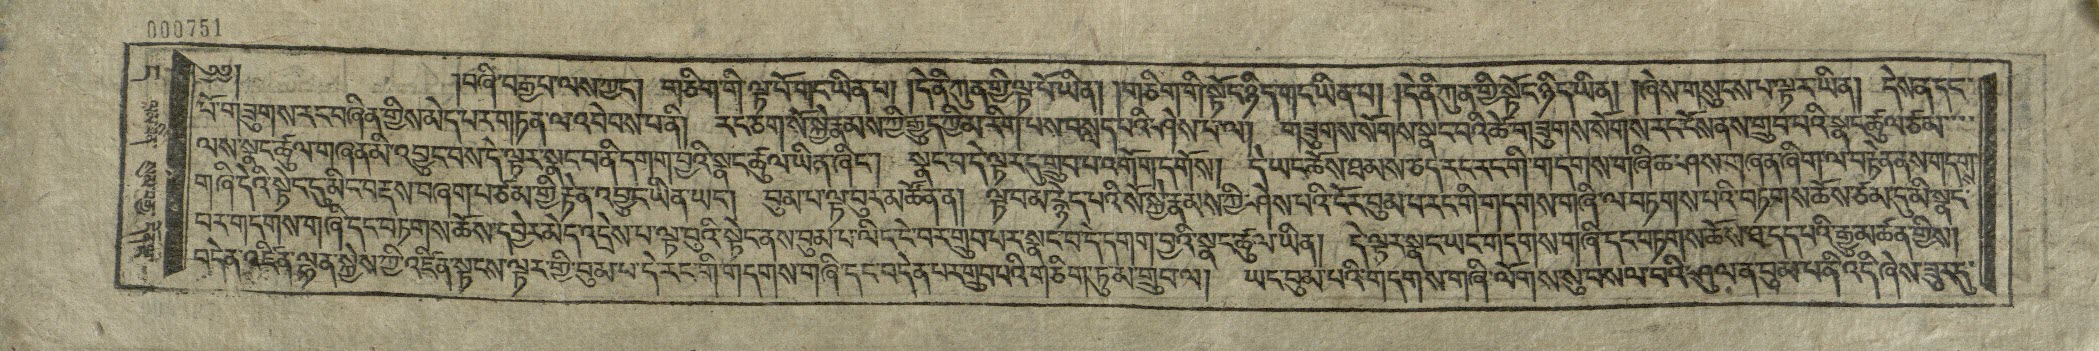༄༅། །བཞི་བརྒྱ་པ་ལས་ཀྱང་། གཅིག་གི་ལྟ་པོ་གང་ཡིན་པ། །དེ་ནི་ཀུན་གྱི་ལྟ་པོ་ཡིན། །གཅིག་གི་སྟོང་ཉིད་གང་ཡིན་པ། །དེ་ནི་ཀུན་གྱི་སྟོང་ཉིད་ཡིན། །ཞེས་གསུངས་པ་ལྟར་ཡིན། དེས་ན་དང་
པོ་གཟུགས་རང་བཞིན་གྱིས་མེད་པར་གཏན་ལ་འབེབས་པ་ནི། རང་ཅག་སོ་སྐྱེ་རྣམས་ཀྱི་རྒྱུད་ཀྱི་མ་རིག་པས་བསླད་པའི་ཤེས་པ་ལ། གཟུགས་སོགས་སྣང་བའི་ཚེ་གཟུགས་སོགས་རང་ངོས་ནས་གྲུབ་པའི་སྣང་ཚུལ་ཙམ་
ལས་སྣང་ཚུལ་གཞན་མི་འབྱུང་བས་དེ་ལྟར་སྣང་བ་ནི་དགག་བྱའི་སྣང་ཚུལ་ཡིན་ཞིང་། སྣང་བ་དེ་ལྟར་དུ་གྲུབ་པ་འགོག་དགོས། དེ་ཡང་ཆོས་ཐམས་ཅད་རང་རང་གི་གདགས་གཞི་ཆ་ཤས་གཞན་ཞིག་ལ་བརྟེན་ནས་གདགས་
གཞི་དེའི་སྟེང་དུ་མིང་བརྡས་བཞག་པ་ཙམ་གྱི་རྟེན་འབྱུང་ཡིན་ཡང་། བུམ་པ་ལྟ་བུར་མཚོན་ན། ལྟ་བ་མ་རྙེད་པའི་སོ་སྐྱེ་རྣམས་ཀྱི་ཤེས་པའི་ངོར་བུམ་པ་རང་གི་གདགས་གཞི་ལ་བཏགས་པའི་བཏགས་ཆོས་ཙམ་དུ་མི་སྣང་
བར་གདགས་གཞི་དང་བཏགས་ཆོས་དབྱེར་མེད་འདྲེས་པ་ལྟ་བུའི་སྟེང་ནས་བུམ་པ་ལིང་ངེ་བར་གྲུབ་པར་སྣང་བ་དེ་དགག་བྱའི་སྣང་ཚུལ་ཡིན། དེ་ལྟར་སྣང་ཡང་གདགས་གཞི་དང་བཏགས་ཆོས་ཐ་དད་པའི་རྒྱུ་མཚན་གྱིས།
བདེན་འཛིན་ལྷན་སྐྱེས་ཀྱི་འཛིན་སྟངས་ལྟར་གྱི་བུམ་པ་དེ་རང་གི་གདགས་གཞི་དང་བདེན་པར་གྲུབ་པའི་གཅིག་ཏུ་མ་གྲུབ་ལ། ཡང་བུམ་པའི་གདགས་གཞི་ལོགས་སུ་བསལ་བའི་ཤུལ་ན་བུམ་པ་ནི་འདི་ཞེས་ཟུར་དུ་